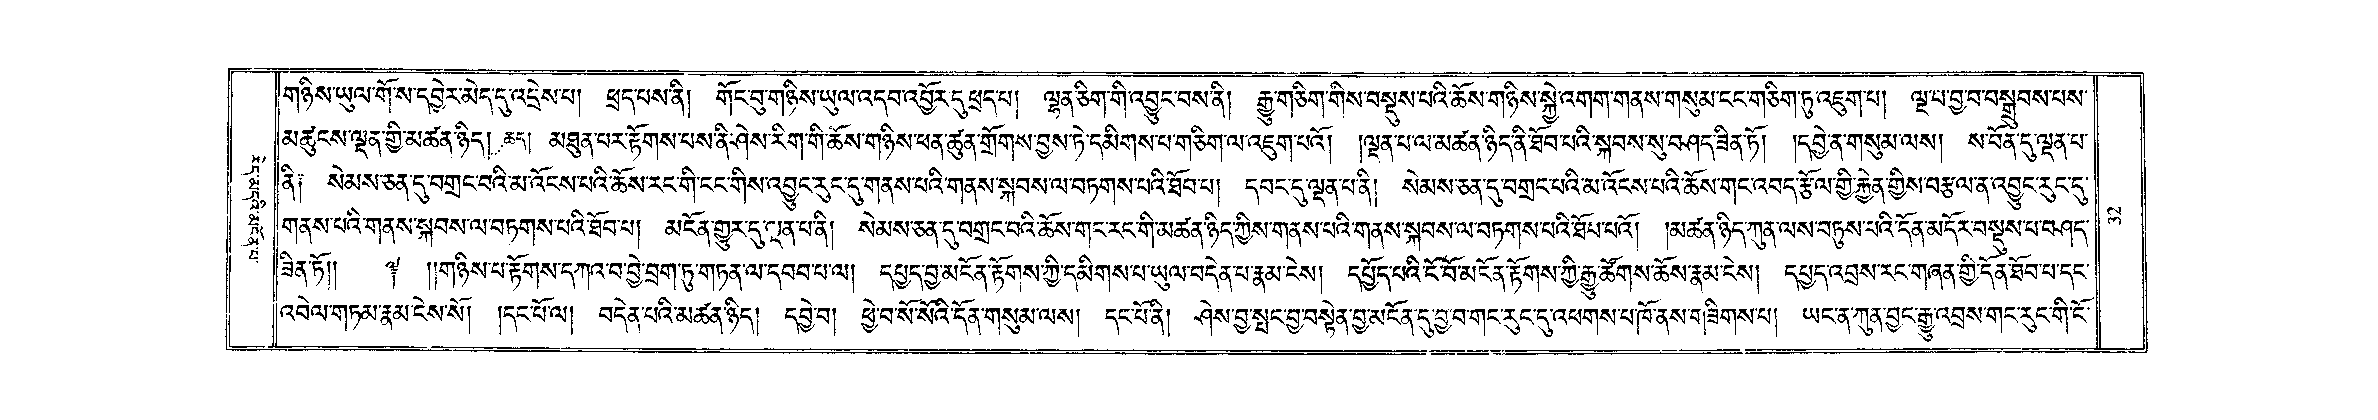གཉིས་ཡུལ་གོ་ས་དབྱེར་མེད་དུ་འདྲེས་པ། ཕྲད་པས་ནི། གོང་བུ་གཉིས་ཡུལ་འདབ་འབྱོར་དུ་ཕྲད་པ། ལྷན་ཅིག་གི་འབྱུང་བས་ནི། རྒྱུ་གཅིག་གིས་བསྡུས་པའི་ཆོས་གཉིས་སྐྱེ་འགག་གནས་གསུམ་ངང་གཅིག་ཏུ་འཇུག་པ། ལྔ་པ་བྱ་བ་བསྒྲུབས་པས་
མཚུངས་ལྡན་གྱི་མཚན་ཉིད། ཆད། མཐུན་པར་རྟོགས་པས་ནི་ཤེས་རིག་གི་ཆོས་གཉིས་ཕན་ཚུན་གྲོགས་བྱས་ཏེ་དམིགས་པ་གཅིག་ལ་འཇུག་པའོ། །ལྡན་པ་ལ་མཚན་ཉིད་ནི་ཐོབ་པའི་སྐབས་སུ་བཤད་ཟིན་ཏོ། །དབྱེ་ན་གསུམ་ལས། ས་བོན་དུ་ལྡན་པ་
ནི༑ སེམས་ཅན་དུ་བགྲང་བའི་མ་འོངས་པའི་ཆོས་རང་གི་ངང་གིས་འབྱུང་རུང་དུ་གནས་པའི་གནས་སྐབས་ལ་བཏགས་པའི་ཐོབ་པ། དབང་དུ་ལྡན་པ་ནི། སེམས་ཅན་དུ་བགྲང་པའི་མ་འོངས་པའི་ཆོས་གང་འབད་རྩོལ་གྱི་རྐྱེན་གྱིས་བརྩལ་ན་འབྱུང་རུང་དུ་
གནས་པའི་གནས་སྐབས་ལ་བཏགས་པའི་ཐོབ་པ། མངོན་གྱུར་དུ་ལྡན་པ་ནི། སེམས་ཅན་དུ་བགྲང་བའི་ཆོས་གང་རང་གི་མཚན་ཉིད་ཀྱིས་གནས་པའི་གནས་སྐབས་ལ་བཏགས་པའི་ཐོབ་པའོ། །མཚན་ཉིད་ཀུན་ལས་བཏུས་པའི་དོན་མདོར་བསྡུས་པ་བཤད་
ཟིན་ཏོ།། ༈ །།གཉིས་པ་རྟོགས་དཀའ་བ་བྱེ་བྲག་ཏུ་གཏན་ལ་དབབ་པ་ལ། དཔྱད་བྱ་མངོན་རྟོགས་ཀྱི་དམིགས་པ་ཡུལ་བདེན་པ་རྣམ་ངེས། དཔྱོད་པའི་ངོ་བོ་མངོན་རྟོགས་ཀྱི་རྒྱུ་ཚོགས་ཆོས་རྣམ་ངེས། དཔྱད་འབྲས་རང་གཞན་གྱི་དོན་ཐོབ་པ་དང་
འབེལ་གཏམ་རྣམ་ངེས་སོ། །དང་པོ་ལ། བདེན་པའི་མཚན་ཉིད། དབྱེ་བ། ཕྱེ་བ་སོ་སོའི་དོན་གསུམ་ལས། དང་པོ་ནི། ཤེས་བྱ་སྤང་བྱ་བསྟེན་བྱ་མངོན་དུ་བྱ་བ་གང་རུང་དུ་འཕགས་པ་ཁོ་ནས་གཟིགས་པ། ཡང་ན་ཀུན་བྱང་རྒྱུ་འབྲས་གང་རུང་གི་ངོ་